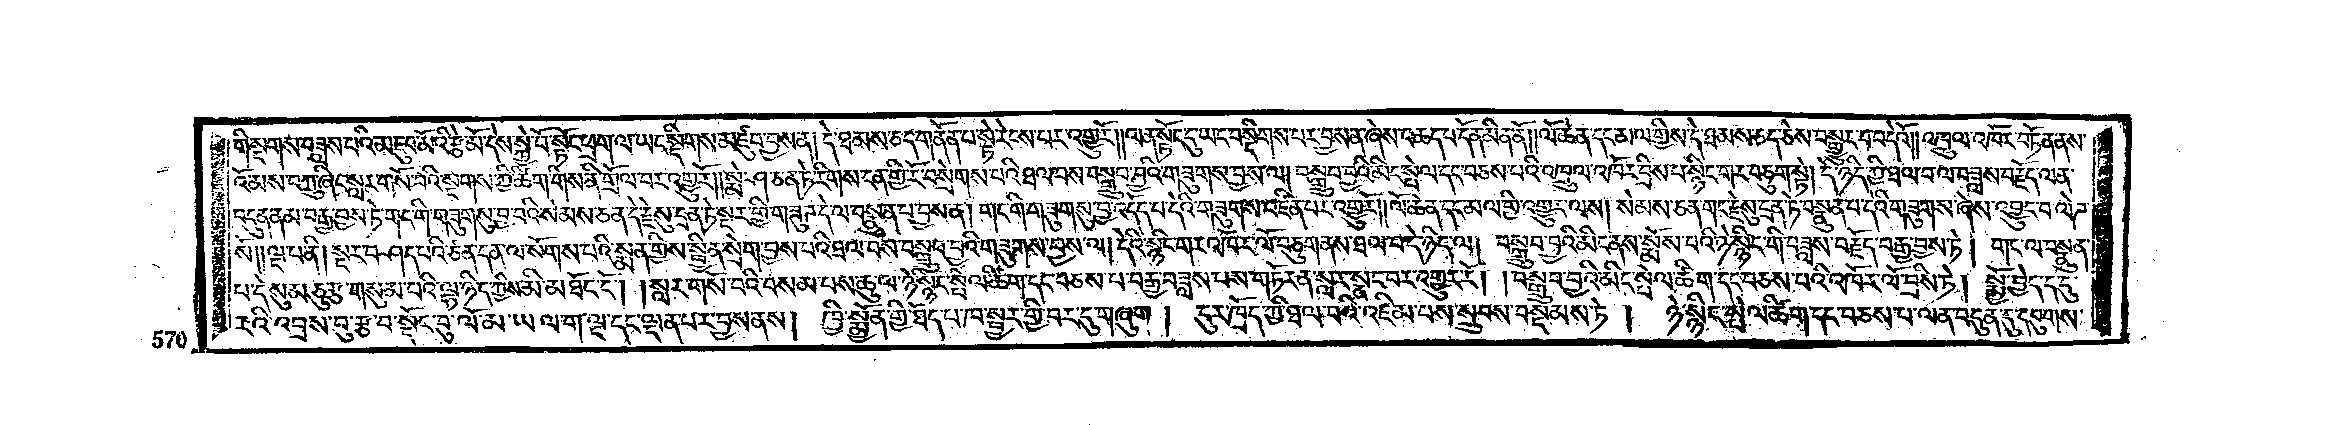གི་སྔགས་བཟླས་པའི་མཛུབ་མོའི་རྩེ་མོ་དེས་སྐྱེ་བོ་སྟོང་ཕྲག་ལ་ཡང་སྡིགས་མཛུབ་བྱས་ན། དེ་ཐམས་ཅད་གནོན་པ་སྟེ་རེངས་པར་འགྱུར་རོ། །ལན་སྟོང་དུ་ཡང་བསྡིགས་པར་བྱས་ན་ཞེས་འཆད་པ་དོན་མིན་ནོ། །ལོ་ཆེན་དང་མལ་གྱིས་དེ་ཐམས་ཅད་ཅེས་བསྒྱུར་བ་བདེའོ། །འཁྲུལ་འཁོར་བཏོན་ནས་
འོ་མས་བཀྲུ་ཞིང་སླར་གསོ་བའི་སྔགས་ཀྱི་ཚིག་གིས་ནི་གྲོལ་བར་འགྱུར་རོ། །སྨེ་ཤ་ཅན་ཏེ་རིགས་ངན་གྱི་རོ་བསྲེགས་པའི་ཐལ་བས་བསྒྲུབ་བྱའི་གཟུགས་བྱས་ལ། བསྒྲུབ་བྱའི་མིང་སྤེལ་དང་བཅས་པའི་འཁྲུལ་འཁོར་བྲིས་པ་སྙིང་གར་བཅུག་སྟེ། དེ་ཉིད་ཀྱི་ཐལ་བ་ལ་བཟླས་བརྗོད་ལན་
བདུན་ནམ་བརྒྱ་བྱས་ཏེ་གང་གི་གཟུགས་སུ་བྱ་བའི་སེམས་ཅན་དེ་རྗེས་སུ་དྲན་ཏེ་སྔར་གྱི་གཟུགས་དེ་ལ་བསྣུན་པ་བྱས་ན། གང་གི་གཟུགས་སུ་བྱ་འདོད་པ་དེའི་གཟུགས་འཛིན་པར་འགྱུར་རོ། །ལོ་ཆེན་དང་མལ་གྱི་འགྱུར་ལས། སེམས་ཅན་གང་རྗེས་སུ་དྲན་ཏེ་བསྣུན་པ་དེའི་གཟུགས་ཞེས་འབྱུང་བ་ལེགས་
སོ། །ལྔ་པ་ནི། སྔར་བཤད་པའི་ཙན་དན་ལ་སོགས་པའི་སྨན་གྱིས་སྦྱིན་སྲེག་བྱས་པའི་ཐལ་བས་བསྒྲུབ་བྱའི་གཟུགས་བྱས་ལ། དེའི་སྙིང་གར་འཁོར་ལོ་བཅུག་ནས་ཐལ་བ་དེ་ཉིད་ལ། བསྒྲུབ་བྱའི་མིང་ནས་སྨོས་པའི་ཉེ་སྙིང་གི་བཟླས་བརྗོད་བརྒྱ་བྱས་ཏེ། གང་ལ་བསྣུན་
པ་དེ་སུམ་ཅུ་རྩ་གསུམ་པའི་ལྷ་ཉིད་ཀྱིས་མི་མཐོང་ངོ། །སླར་གསོ་བའི་བསམ་པས་ཆུ་ལ་ཉེ་སྙིང་སྤེལ་ཚིག་དང་བཅས་པ་བརྒྱ་བཟླས་པས་གཏོར་ན་སླར་སྣང་བར་འགྱུར་རོ། །བསྒྲུབ་བྱའི་མིང་སྤེལ་ཚིག་དང་བཅས་པའི་འཁོར་ལོ་བྲིས་ཏེ། སྨྱོ་བྱེད་ད་དུ་
རའི་འབྲས་བུ་རྩ་བ་སྡོང་བུ་ལོ་མ་ཡལ་ག་ལྔ་དང་ལྡན་པར་བྱས་ནས། ཁྱི་སྨྱོན་གྱི་ཐོད་པ་ཁ་སྦྱར་གྱི་བར་དུ་གཞུག །དུར་ཁྲོད་ཀྱི་ཐལ་བའི་འཇིམ་པས་སྲུབས་བསྡམས་ཏེ། ཉེ་སྙིང་སྤེལ་ཚིག་དང་བཅས་པ་ལན་བདུན་དུ་དབུགས་